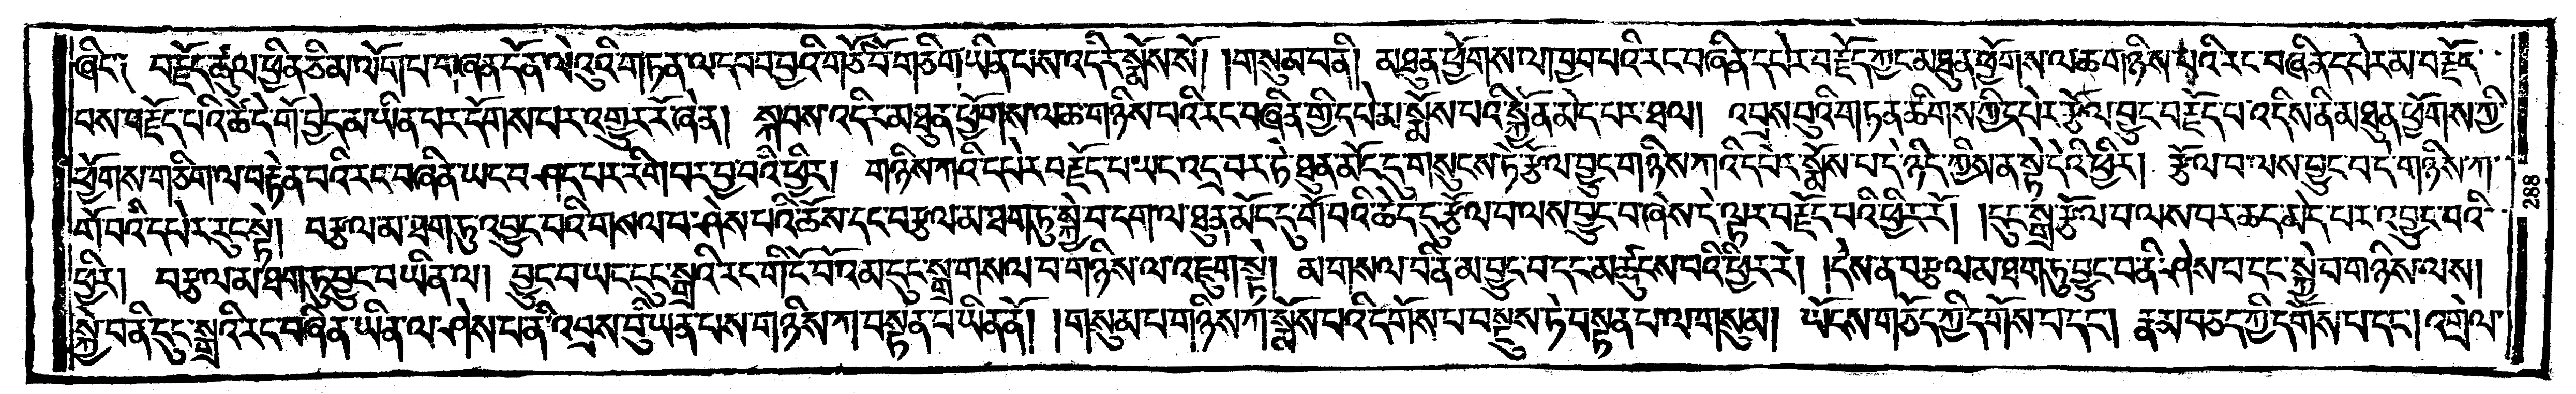ཞིང༑ བརྗོད་ཚུལ་ཕྱིན་ཅི་མ་ལོག་པ་གཞན་དོན་ལེའུའི་གཏན་ལ་དབབ་བྱའི་གཙོ་བོ་གཅིག་ཡིན་པས་འདིར་སྨོས་སོ། །གསུམ་པ་ནི། མཐུན་ཕྱོགས་ལ་ཁྱབ་པའི་རང་བཞིན་དཔེར་བརྗོད་ཀྱང་མཐུན་ཕྱོགས་ལ་ཆ་གཉིས་པའི་རང་བཞིན་དཔེར་མ་བརྗོད་
པས་བརྗོད་པའི་ཚེ་དེ་གོ་བྱེད་མ་ཡིན་པར་དོགས་པར་འགྱུར་རོ་ཞེ་ན། སྐབས་འདིར་མཐུན་ཕྱོགས་ལ་ཆ་གཉིས་པའི་རང་བཞིན་གྱི་དཔེ་མ་སྨོས་པའི་སྐྱོན་མེད་པར་ཐལ། འབྲས་བུའི་གཏན་ཚིགས་ཀྱི་དཔེར་རྩོལ་བྱུང་བརྗོད་པ་འདིས་ནི་མཐུན་ཕྱོགས་ཀྱི་
ཕྱོགས་གཅིག་ལ་བརྟེན་པའི་རང་བཞིན་ཡང་བཤད་པར་རིག་པར་བྱ་བའི་ཕྱིར། གཉིས་ཀའི་དཔེར་བརྗོད་པ་ཡང་འདྲ་བར་ཏེ་ཐུན་མོང་དུ་གསུངས་ཏེ་རྩོལ་བྱུང་གཉིས་ཀའི་དཔེར་སྨོས་པ་དེ་ཉིད་ཀྱིས་ན་སྟེ་དེའི་ཕྱིར། རྩོལ་བ་ལས་བྱུང་བ་དེ་གཉིས་ཀ་
གོ་བའི་དཔེར་རུང་སྟེ། བརྩལ་མ་ཐག་ཏུ་འབྱུང་བའི་གསལ་བ་ཤེས་པའི་ཆོས་དང་བརྩལ་མ་ཐག་ཏུ་སྐྱེ་བ་དག་ལ་ཐུན་མོང་དུ་གོ་བའི་ཆེད་དུ་རྩོལ་བ་ལས་བྱུང་བ་ཞེས་དེ་ལྟར་བརྗོད་པའི་ཕྱིར་རོ། །དུང་སྒྲ་རྩོལ་བ་ལས་བར་ཆད་མེད་པར་འབྱུང་བའི་
ཕྱིར། བརྩལ་མ་ཐག་ཏུ་བྱུང་བ་ཡིན་ལ། བྱུང་བ་ཡང་དུང་སྒྲའི་རང་གི་ངོ་བོའམ་དུང་སྒྲ་གསལ་བ་གཉིས་ལ་འཇུག་སྟེ། མ་གསལ་བ་ནི་མ་བྱུང་བ་དང་མཚུངས་པའི་ཕྱིར་རོ། །དེས་ན་བརྩལ་མ་ཐག་ཏུ་བྱུང་བ་ནི་ཤེས་པ་དང་སྐྱེ་བ་གཉིས་ལས།
སྐྱེ་བ་ནི་དུང་སྒྲའི་རང་བཞིན་ཡིན་ལ་ཤེས་པ་ནི་འབྲས་བུ་ཡིན་པས་གཉིས་ཀ་བསྟན་པ་ཡིན་ནོ། །གསུམ་པ་གཉིས་ཀ་སྨོས་པའི་དགོས་པ་བསྡུས་ཏེ་བསྟན་པ་ལ་གསུམ། ཡོངས་གཅོད་ཀྱི་དགོས་པ་དང་། རྣམ་བཅད་ཀྱི་དགོས་པ་དང་། འགྲེལ་